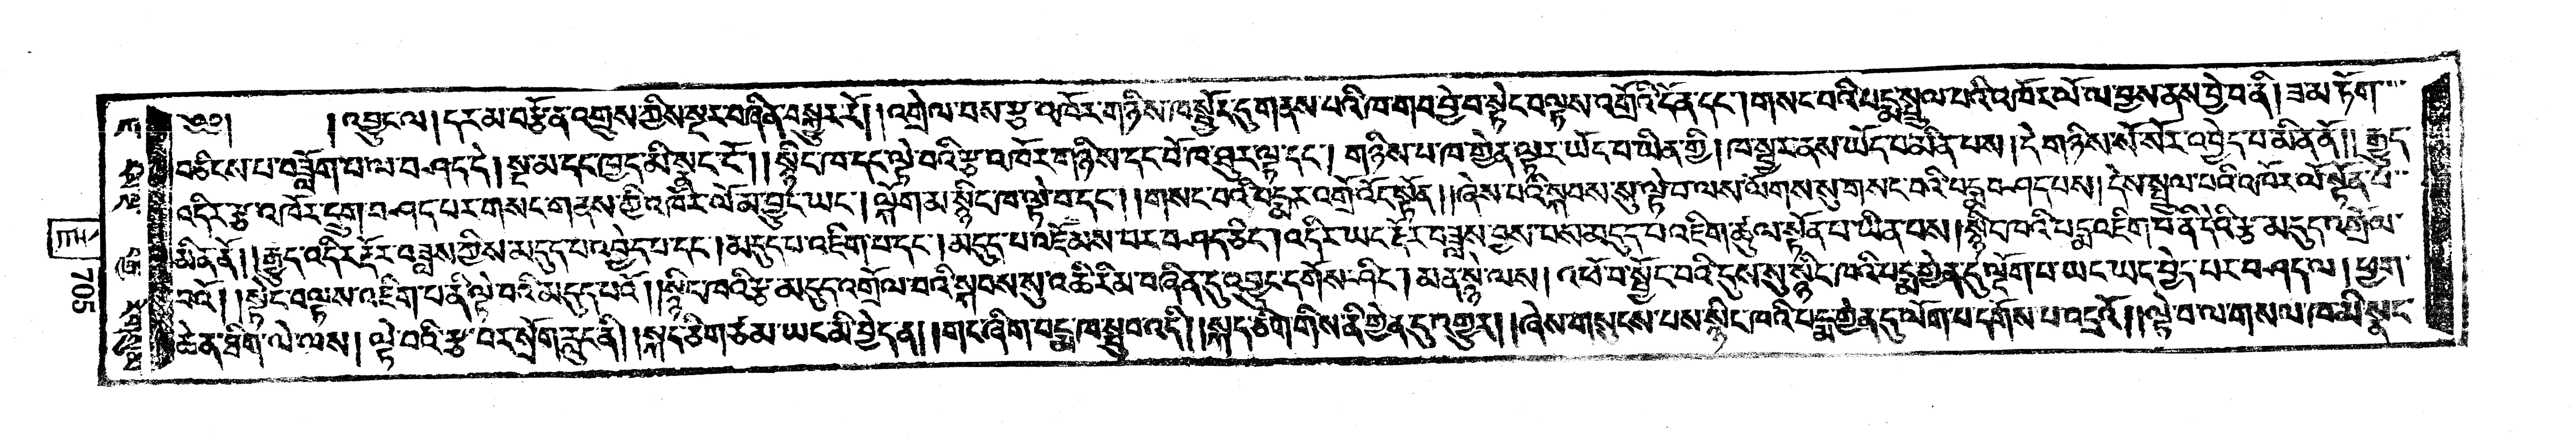༄༅། །འབྱུང་ལ། དར་མ་བརྩོན་འགྲུས་ཀྱིས་སྔར་བཞིན་བསྐྱུར་རོ། །འགྲེལ་བས་རྩ་འཁོར་གཉིས་ཁ་སྦྱོར་དུ་གནས་པའི་ཁ་གབ་བྱེ་བ་སྟེང་བལྟས་འགྲོའི་དོན་དང་། གསང་བའི་པདམ་སྤྲུལ་བའི་འཁོར་ལོ་ལ་བྱས་ནས་བྱེ་བ་ནི། ཟ་མ་ཏོག་
བཅིངས་པ་བཟློག་པ་ལ་བཤད་དེ། སྔ་མ་དང་ཁྱད་མི་སྣང་ངོ། །སྙིང་ཁ་དང་ལྟེ་བའི་རྩ་འཁོར་གཉིས་དང་པོ་ཁ་ཐུར་ལྟ་དང་། གཉིས་པ་ཁ་གྱེན་ལྟར་ཡོད་པ་ཡིན་གྱི། ཁ་སྦྱར་ནས་ཡོད་པ་མིན་པས། དེ་གཉིས་སོ་སོར་འབྱེད་པ་མིན་ནོ། །རྒྱུད་
འདིར་རྩ་འཁོར་དྲུག་བཤད་པར་གསང་གནས་ཀྱི་འཁོར་ལོ་མ་བྱུང་ཡང་། ལྐོག་མ་སྙིང་ཁ་ལྟེ་བ་དང་། །གསང་བའི་པདམར་འགྲོ་འོང་སྟོན། །ཞེས་པའི་སྐབས་སུ་ལྟེ་བ་ལས་ལོགས་སུ་གསང་བའི་པདམ་བཤད་པས། དེས་སྤྲུལ་པའི་འཁོར་ལོ་སྟོན་པ་
མིན་ནོ། །རྒྱུད་འདིར་རྡོར་བཟླས་ཀྱིས་མདུད་པ་འབྱེད་པ་དང་། མདུད་པ་འཇིག་པ་དང་། མདུད་པ་འཇོམས་པར་བཤད་ཅིང་། འདིར་ཡང་རྡོར་བཟླས་བྱས་པས་མདུད་པ་འཇིག་ཚུལ་སྟོན་པ་ཡིན་པས། སྙིང་ཁའི་པདམ་འཇིག་པ་ནི་དེའི་རྩ་མདུད་འགྲོལ་
བའོ། །སྟེང་བལྟས་འཇིག་པ་ནི་ལྟེ་བའི་མདུད་པའོ། །སྙིང་ཁའི་རྩ་མདུད་འགྲོལ་བའི་སྐབས་སུ་འཆི་རིམ་བཞིན་དུ་འབྱུང་དགོས་ཤིང་། མན་སྙེ་ལས། འཕོ་བ་སྦྱོང་བའི་དུས་སུ་སྙིང་ཁའི་པདམ་གྱེན་དུ་ལྡོག་པ་ཡང་ཡང་བྱེད་པར་བཤད་ལ། ཕྱག་
ཆེན་ཐིག་ལེ་ལས། ལྟེ་བའི་རྩ་བར་སྲོག་རླུང་ནི། །སྐད་ཅིག་ཙམ་ཡང་མི་བྱེད་ན། །གང་ཞིག་པདམ་ཁ་སྤུབ་འདི། །སྐད་ཅིག་གིས་ནི་གྱེན་དུ་འགྱུར། །ཞེས་གསུངས་བས་སྙིང་ཁའི་པདམ་གྱེན་དུ་ལོག་པ་དགོས་པ་འདྲའོ། །ལྟེ་བ་ལ་གསལ་ཁ་མི་སྣང་